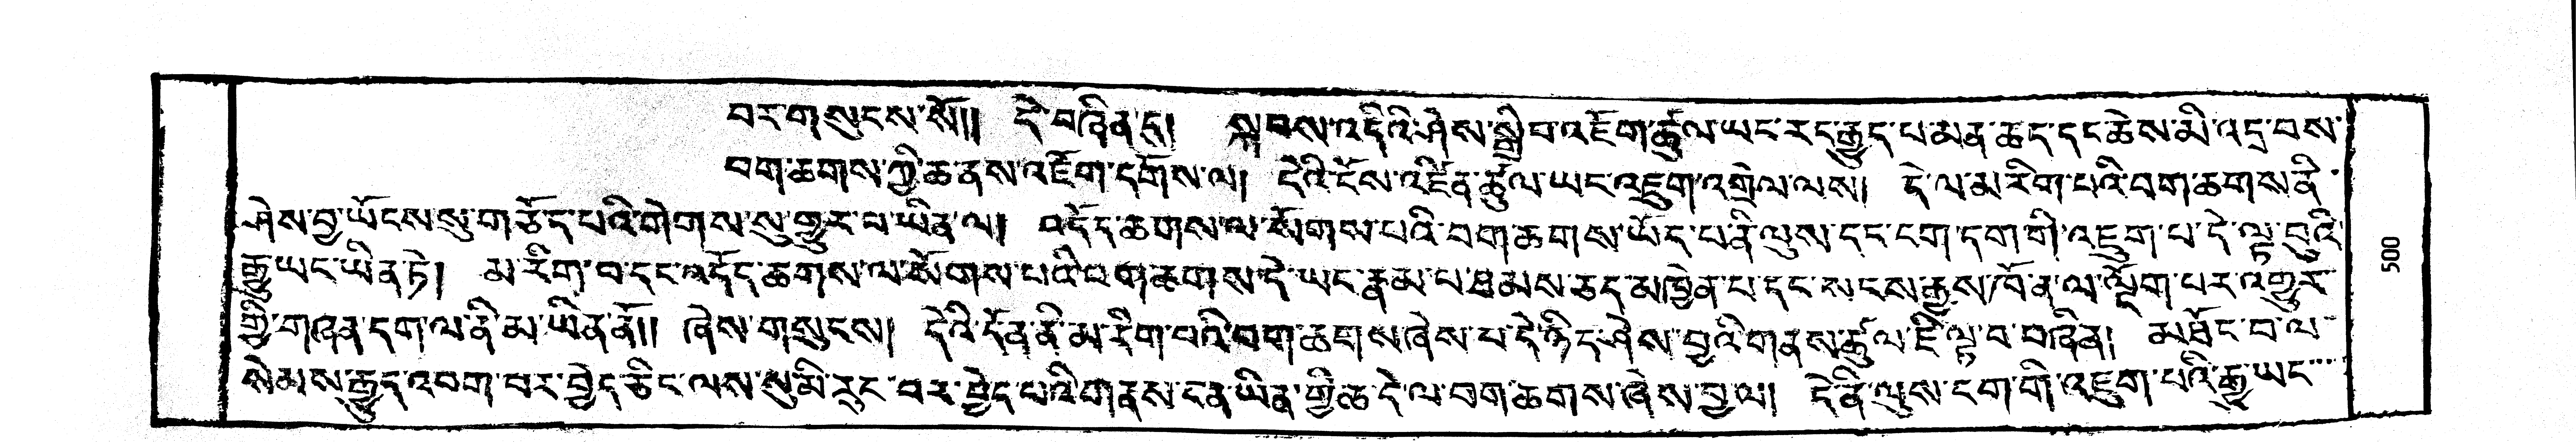བར་གསུངས་སོ། །དེ་བཞིན་དུ། སྐབས་འདིའི་ཤེས་སྒྲིབ་འཇོག་ཚུལ་ཡང་རང་རྒྱུད་པ་མན་ཆད་དང་ཆེས་མི་འདྲ་བས་
བག་ཆགས་ཀྱི་ཆ་ནས་འཇོག་དགོས་ལ། དེའི་ངོས་འཛིན་ཚུལ་ཡང་འཇུག་འགྲེལ་ལས། དེ་ལ་མ་རིག་པའི་བག་ཆགས་ནི་
ཤེས་བྱ་ཡོངས་སུ་གཅོད་པའི་གེགས་སུ་གྱུར་པ་ཡིན་ལ། འདོད་ཆགས་ལ་སོགས་པའི་བག་ཆགས་ཡོད་པ་ནི་ལུས་དང་ངག་དག་གི་འཇུག་པ་དེ་ལྟ་བུའི་
རྒྱུ་ཡང་ཡིན་ཏེ། མ་རིག་བ་དང་འདོད་ཆགས་ལ་སོགས་པའི་བག་ཆགས་དེ་ཡང་རྣམ་པ་ཐམས་ཅད་མཁྱེན་པ་དང་སངས་རྒྱས་ཁོ་ན་ལ་ལྡོག་པར་འགྱུར་
གྱི་གཞན་དག་ལ་ནི་མ་ཡིན་ནོ། །ཞེས་གསུངས། དེའི་དོན་ནི་མ་རིག་པའི་བག་ཆགས་ཞེས་པ་དེ་ཉིད་ཤེས་བྱའི་གནས་ཚུལ་ཇི་ལྟ་བ་བཞིན། མཐོང་བ་ལ་
སེམས་རྒྱུད་འབག་བར་བྱེད་ཅིང་ལས་སུ་མི་རུང་བར་བྱེད་པའི་གནས་ངན་ཡིན་གྱི་ཆ་དེ་ལ་བག་ཆགས་ཞེས་བྱ་ལ། དེ་ནི་ལུས་ངག་གི་འཇུག་པའི་རྒྱུ་ཡང་